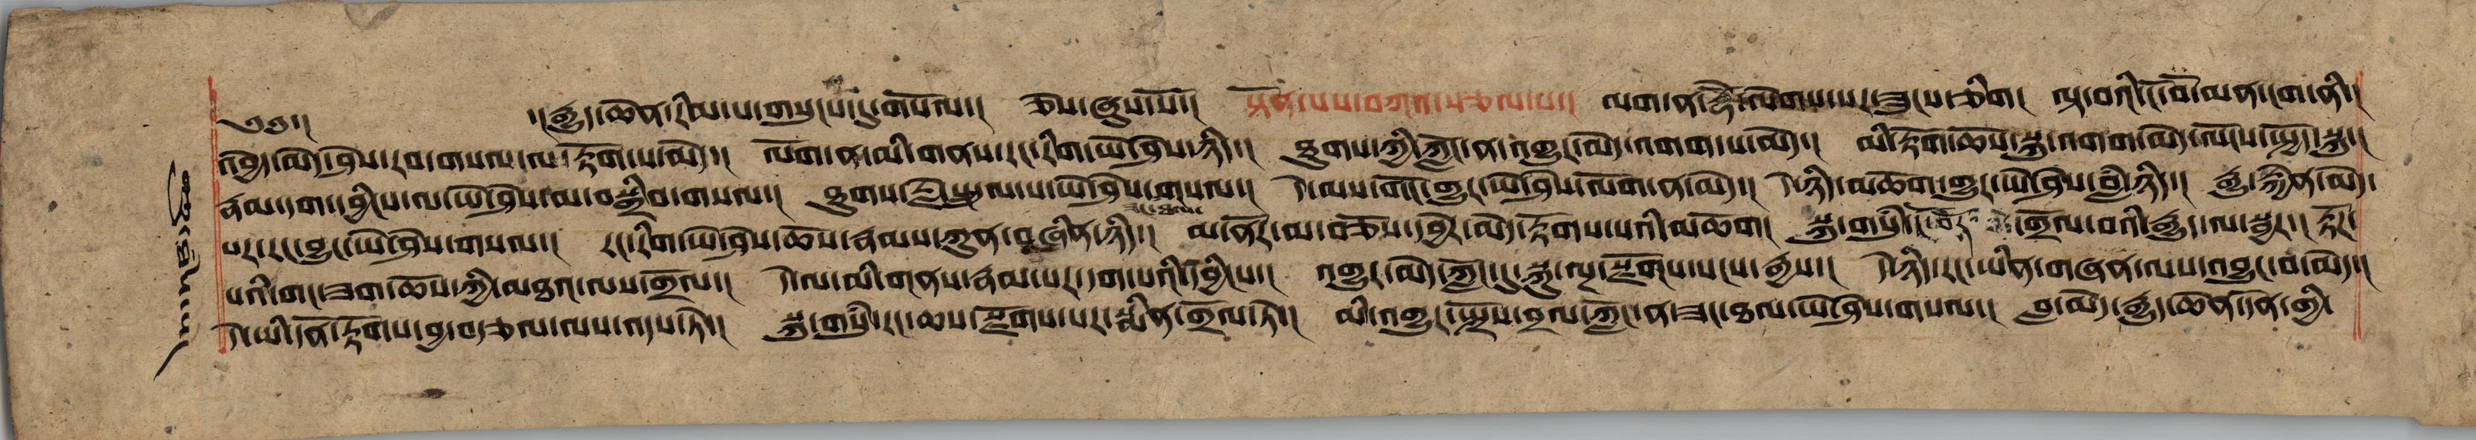༄༅་། ་།རྒྱུད་ཆེན་རིམ་པ་གསུངས་སུ་གསོལ་། ཅེས་ཞུས་སོ་། སྟོན་པས་བཀའ་སྩལ་པ་། ལག་ན་རྡོེ་ལེགས་པར་ཟུངས་ཅིག། ལྟ་བའི་ངོ་བོ་མན་ངག་ནི་།
འབྱེད་མེད་ཤེས་རབ་གསལ་ལ་རྟོག་པ་མེད་། ལོག་ན་མི་གནས་རང་རིག་ཡེ་ཤེས་ཉིད་། ཐུགས་ཀྱི་ཀློང་ན་འགྱུར་མེད་འགག་པ་མེད་། མི་རྟོག་ཆོས་སྐུ་འགག་མེད་ལོངས་སྤྱོད་སྐུ་།
རྣམ་དག་དབྱིངས་ལ་ཡེ་ཤེས་མ་བསྒྲིབ་གསལ་། ཐུགས་རྗེ་སྤྲུལ་པ་ཡེ་ཤེས་ཟང་ཐལ་གསལ་། དེ་ལས་གོང་གྱུར་ཡེ་ཤེས་ལོག་ན་མེད་། དེ་ཉིད་མཆོག་གྱུར་ཡེ་ཤེས་བླཾ་ཉིད་། རྒྱུ་རྐྱེན་མེད་
པར་རང་བྱུང་ཡེ་ཤེས་གསལ་། རང་རིག་ཡེ་ཤེས་ཆོས་རྣམས་ཀུན་བཞིན་ཉིད་། མ་ནོར་མ་བཅོས་དབྱེར་མེད་རྟོགས་པའི་མཆོག། སྐུ་གསུཾ་ངོ་བོར་གྲོལ་བའི་རྒྱུད་ལ་སྦྱར་། རྟོཌ་
པའི་གང་ཟག་ཆོས་ཀྱི་མཐའ་ལས་གྲོལ་། དེ་ལ་མི་གནས་རྣམ་པར་དག་པའི་དབྱིངས་། འགྱུར་མེད་ཀློང་དུ་སྐུ་ལྔ་སྫོགས་སངས་རྒྱས་། དེ་ཉིད་རང་ཡིན་གཞན་ལས་འབྱུང་བ་མེད་།
དེ་ཡི་དོན་རྟོགས་བྱ་བརྩལ་ལས་འདས་ཏེ་། སྐུ་གསུཾ་རང་ཆས་སྫོགས་པར་སྨིན་གྲོལ་ཏེ་། མི་འགྱུར་སྤྲོས་བྲལ་ཀློང་ན་ཟང་ཐལ་ཡེ་ཤེས་གསལ་། བླ་མེད་རྒྱུད་ཆེན་དོན་གྱི་